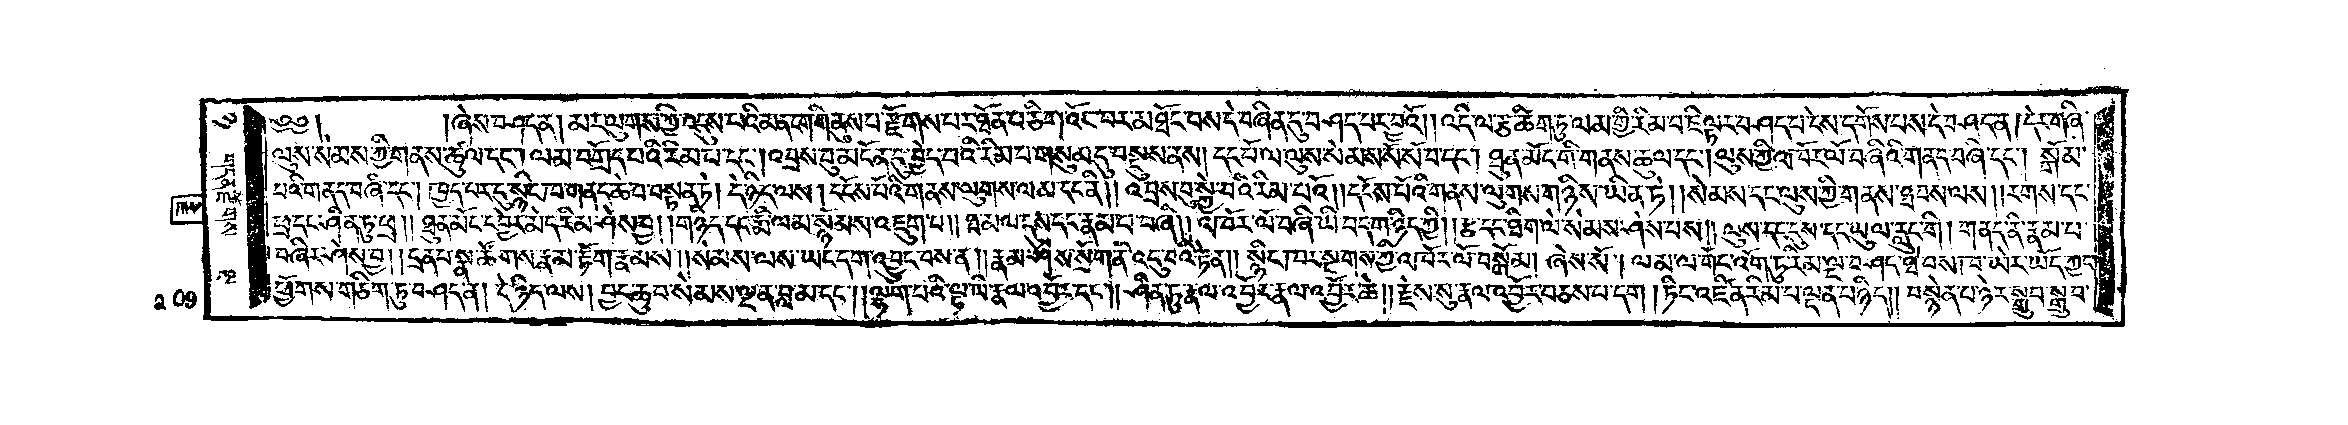༄༅། །ཞེས་བཤད་ན། མར་ལུགས་ཀྱི་འདུས་པའི་མན་ངག་གི་ནུས་པ་རྫོགས་པར་ཐོན་པ་ཅིག་འོང་བར་མཐོང་བས་དེ་བཞིན་དུ་བཤད་པར་བྱའོ། །འདི་ལ་རྩ་ཚིག་ཏུ་ལམ་གྱི་རིམ་པ་ཇི་ལྟར་བཤད་པ་ངེས་དགོས་པས་དེ་བཤད་ན། དེར་གཞི་
ལུས་སེམས་ཀྱི་གནས་ཚུལ་དང་། ལམ་བགྲོད་པའི་རིམ་པ་དང་། འབྲས་བུ་མངོན་དུ་བྱེད་པའི་རིམ་པ་གསུམ་དུ་བསྡུས་ནས། དང་པོ་ལ་ལུས་སེམས་སོ་སོ་བ་དང་། ཐུན་མོང་གི་གནས་ཚུལ་དང་། ལུས་ཀྱི་འཁོར་ལོ་བཞིའི་གནད་བཞི་དང་། སྒོམ་
པའི་གནད་བཞི་དང་། ཁྱད་པར་དུ་སྙིང་ཁ་གནད་ཆེ་བ་བསྟན་ཏེ། དེ་ཉིད་ལས། དངོས་པོའི་གནས་ལུགས་ལམ་དང་ནི། །འབྲས་བུ་སྐྱེ་བའི་རིམ་པའོ། །དངོས་པོའི་གནས་ལུགས་གཉིས་ཡིན་ཏེ། །སེམས་དང་ལུས་ཀྱི་གནས་ཐབས་ལས། །རགས་དང་
ཕྲ་དང་ཤིན་ཏུ་ཕྲ། །ཐུན་མོང་དབྱེར་མེད་རིམ་ཤེས་བྱ། །གཉིད་དང་རྨི་ལམ་སྙོམས་འཇུག་པ། །ཐ་མལ་དུས་དང་རྣམ་པ་བཞི། །འཁོར་ལོ་བཞི་ཡི་བདག་ཉིད་ཀྱི། །རྩ་དང་ཐིག་ལེ་སེམས་ཤེས་པས། །ལུས་དང་དུས་དང་ཡུལ་རླུང་གི །གནད་ནི་རྣམ་པ་
བཞིར་ཤེས་བྱ། །དྲན་པ་སྣ་ཚོགས་རྣམ་རྟོག་རྣམས། །སེམས་ལས་ཡང་དག་འབྱུང་བས་ན། །རྣམ་ཤེས་སྲོག་ནི་འདུ་བའི་རྟེན། །སྙིང་ཁར་སྔགས་ཀྱི་འཁོར་ལོ་བསྒོམ། ཞེས་སོ། །ལམ་ལ་གོང་འོག་ཏུ་རིམ་ལྔ་བཤད་ཐབས་ཁ་ཡེར་ཡོད་ཀྱང་
ཕྱོགས་གཅིག་ཏུ་བཤད་ན། དེ་ཉིད་ལས། བྱང་ཆུབ་སེམས་ལྡན་བླ་མ་དང་། །ལྷག་པའི་ལྷ་ཡི་རྣལ་འབྱོར་དང་། །ཤིན་ཏུ་རྣལ་འབྱོར་རྣལ་འབྱོར་ཆེ། །རྗེས་སུ་རྣལ་འབྱོར་བཅས་པ་དག །ཏིང་འཛིན་རིམ་པ་ལྡན་པ་ཉིད། །བསྙེན་པ་ཉེར་སྒྲུབ་སྒྲུབ་